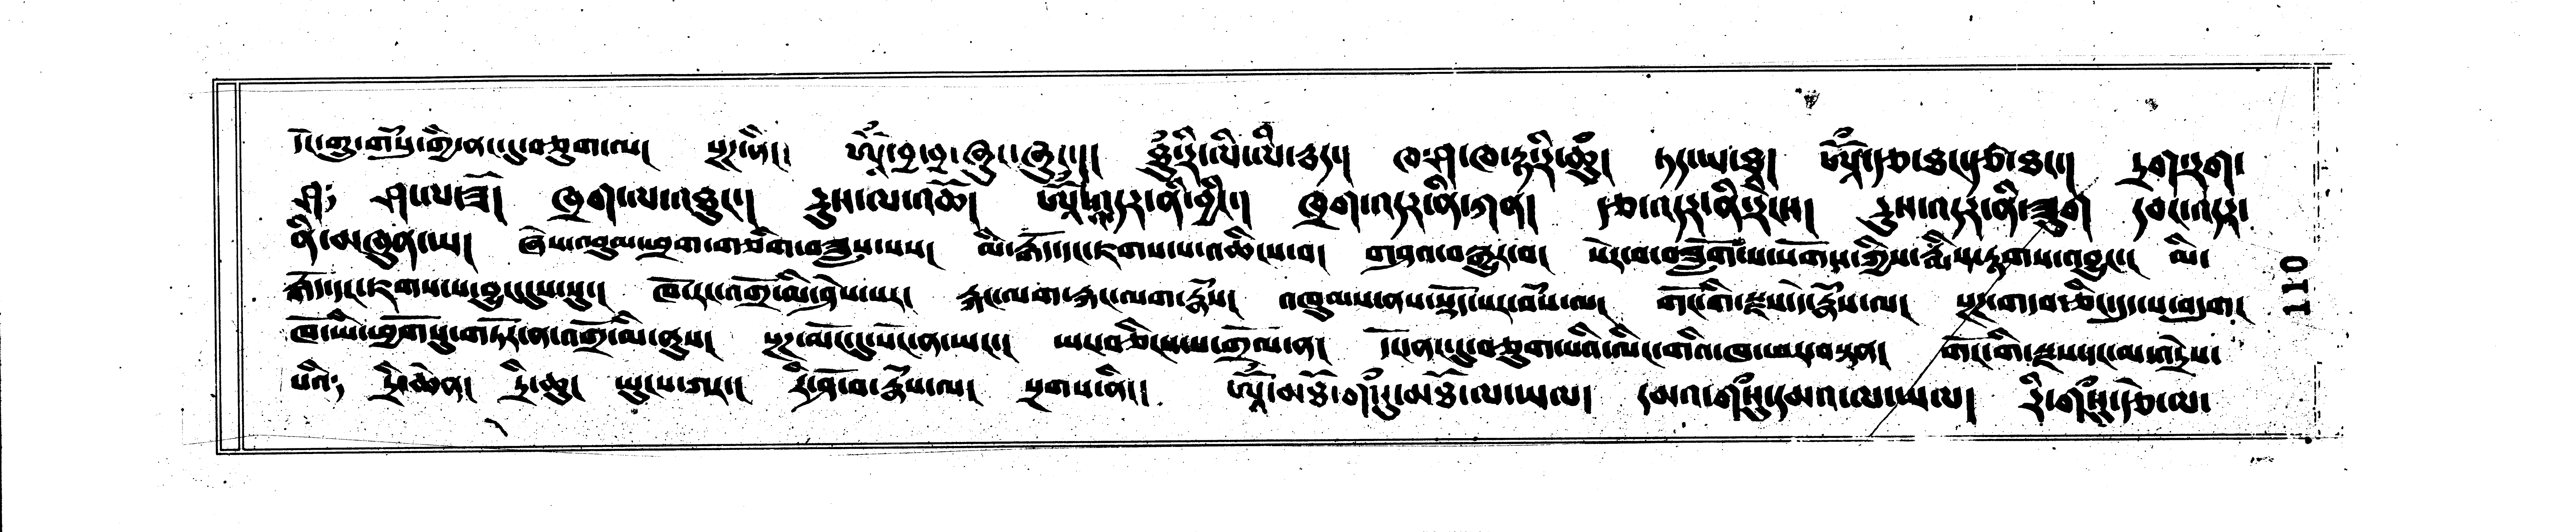དོང་གྲུ་གསུམ་གྱི་ནང་དུ་བཅུག་ལ། སྔགས་ནི། ཨཱོྂ་བྱ་བྱ་ཞུང་ཞུང་། ཐུམ་རི་ལི་ལི་རྦད། ཁ་ཤ་ཁ་རྟ་རི་ཆུམ། ཏད་ཡ་ཐཱ། ཨཱོྂ་རྩ་ཐང་རྩ་ཐང་། ཏྲག་རག་
ཤ ཤ་ལ་ཟོ། ཁྲག་ལ་འཐུང་། རུས་ལ་འཆོ། ཨཱོྂ་ཤ་འདར་ནི་བྱིང་། ཁྲག་འདར་ནི་ཀན། རྩ་འདར་ནི་རེངས། རུས་འདར་ནི་ཟུག དབང་འདར་
ནི་མཁུན་ཡ། ཞེས་འབུམ་ཕྲག་གཅིག་བཟླས་ལ། མི་རྒོད་དང་ཇག་པ་བཅིངས་པ། བཤའ་བསྒྱུར་བ། སེར་བ་བཟློག་པ་སོགས་ཀྱིས་རྨིས་ལྟས་འབྱུང་། མི་
རྒོད་དང་འཇབ་པ་བྱུང་དུས་སུ། ཁོ་རང་འགྲོ་མི་ཤེས་པར། རྐང་ལག་རྣམས་འཁུམས་ནས་སྡོད་པར་བསམ་ལ། གོང་གི་རྫས་དེ་རྣམས་ལ། སྔགས་གདབ་ཅིང་དུད་པ་བདུག
ཁོ་ཡི་ཕྱོགས་སུ་གཏོར་ན་འགྲོ་མི་ནུས། སྔགས་མང་པོ་དུ་སོང་ན་ཡང་། ཡང་བཅིངས་པ་གྲོལ་ན། དོང་ནང་དུ་བཅུག་པའི་མིང་གི་ཁ་ཡར་བསྟན། གོང་གི་རྫས་དང་མ་འདྲེས་
པའི་དྲི་ཆེན་དྲི་ཆུ་ཡུངས་ཀར་རི་ཤོ་བ་རྣམས་ལ། སྔགས་ནི། ཨཱོྂ་མཐོ་གསུམ་མཐོ་ལ་ཡལ། དམའ་གསུམ་དམའ་ལ་ཡལ། རི་གསུམ་རྩེ་ལ་